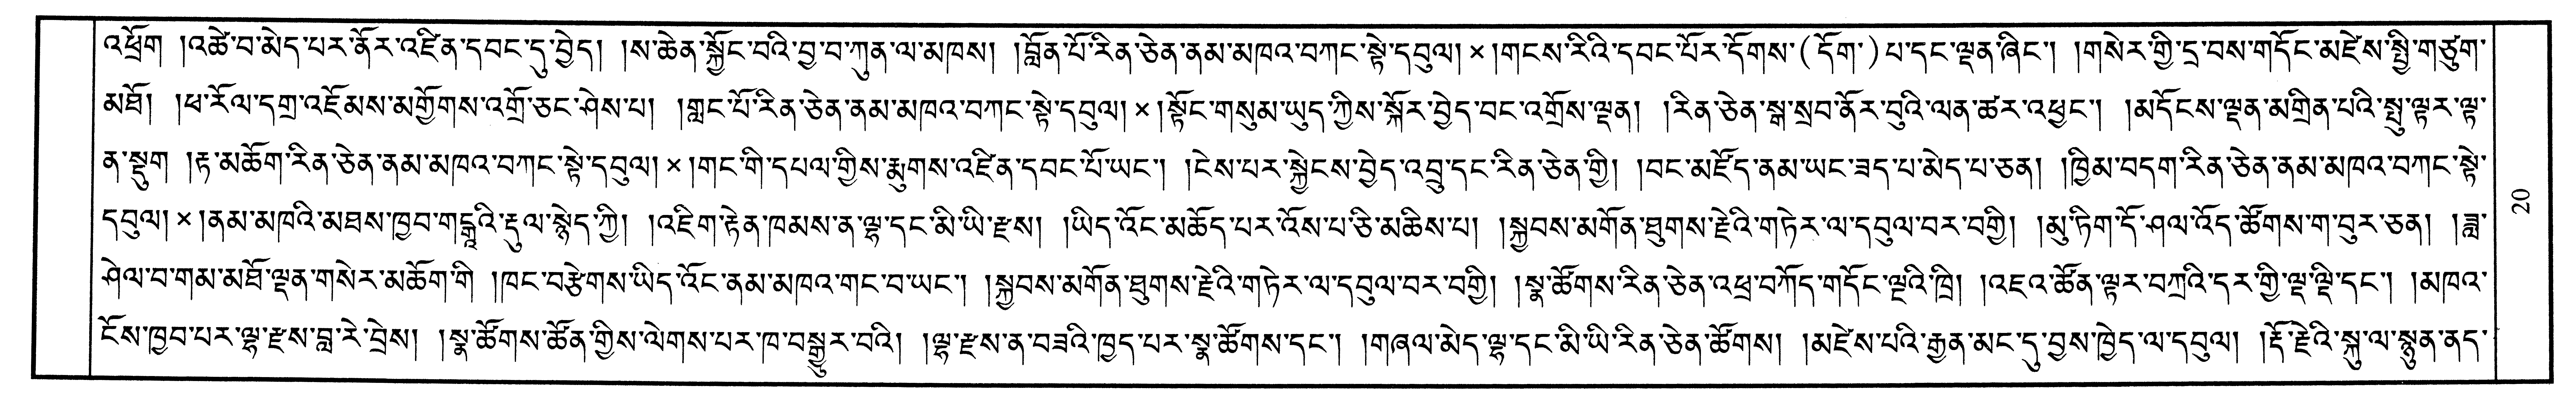འཕྲོག །འཚེ་བ་མེད་པར་ནོར་འཛིན་དབང་དུ་བྱེད། །ས་ཆེན་སྐྱོང་བའི་བྱ་བ་ཀུན་ལ་མཁས། །བློན་པོ་རིན་ཅེན་ནམ་མཁའ་བཀང་སྟེ་དབུལ། ྾་།གངས་རིའི་དབང་པོར་དོགས་དོག་པ་དང་ལྡན་ཞིང་། །གསེར་གྱི་དྲ་བས་གདོང་མཛེས་སྤྱི་གཙུག་
མཐོ། །ཕ་རོལ་དགྲ་འཇོམས་མགྱོགས་འགྲོ་ཅང་ཤེས་པ། །གླང་པོ་རིན་ཅེན་ནམ་མཁའ་བཀང་སྟེ་དབུལ། ྾་།སྟོང་གསུམ་ཡུད་ཀྱིས་སྐོར་བྱེད་བང་འགྲོས་ལྡན། །རིན་ཅེན་སྒ་སྲབ་ནོར་བུའི་ལན་ཚར་འཕྱང་། །མདོངས་ལྡན་མགྲིན་པའི་སྤུ་ལྟར་ལྟ་
ན་སྡུག །རྟ་མཆོག་རིན་ཅེན་ནམ་མཁའ་བཀང་སྟེ་དབུལ། ྾་།གང་གི་དཔལ་གྱིས་རྨུགས་འཛིན་དབང་པོ་ཡང་། །ངེས་པར་སྐྱེངས་བྱེད་འབྲུ་དང་རིན་ཅེན་གྱི། །བང་མཛོད་ནམ་ཡང་ཟད་པ་མེད་པ་ཅན། །ཁྱིམ་བདག་རིན་ཅེན་ནམ་མཁའ་བཀང་སྟེ་
དབུལ། ྾་།ནམ་མཁའི་མཐས་ཁྱབ་གངྒཱའི་རྡུལ་སྙེད་ཀྱི། །འཇིག་རྟེན་ཁམས་ན་ལྷ་དང་མི་ཡི་རྫས། །ཡིད་འོང་མཆོད་པར་འོས་པ་ཅི་མཆིས་པ། །སྐྱབས་མགོན་ཐུགས་རྗེའི་གཏེར་ལ་དབུལ་བར་བགྱི། །མུ་ཏིག་དོ་ཤལ་འོད་ཚོགས་ག་བུར་ཅན། །ཟླ་
ཤེལ་བ་གམ་མཐོ་ལྡན་གསེར་མཆོག་གི །ཁང་བརྩེགས་ཡིད་འོང་ནམ་མཁའ་གང་བ་ཡང་། །སྐྱབས་མགོན་ཐུགས་རྗེའི་གཏེར་ལ་དབུལ་བར་བགྱི། །སྣ་ཚོགས་རིན་ཅེན་འཕྲ་བཀོད་གདོང་ལྔའི་ཁྲི། །འཇའ་ཚོན་ལྟར་བཀྲའི་དར་གྱི་ལྡ་ལྡི་དང་། །མཁའ་
ངོས་ཁྱབ་པར་ལྷ་རྫས་བླ་རེ་བྲེས། །སྣ་ཚོགས་ཚོན་གྱིས་ལེགས་པར་ཁ་བསྒྱུར་བའི། །ལྷ་རྫས་ན་བཟའི་ཁྱད་པར་སྣ་ཚོགས་དང་། །གཞལ་མེད་ལྷ་དང་མི་ཡི་རིན་ཅེན་ཚོགས། །མཛེས་པའི་རྒྱན་མང་དུ་བྱས་ཁྱེད་ལ་དབུལ། །རྡོ་རྗེའི་སྐུ་ལ་སྙུན་ནད་